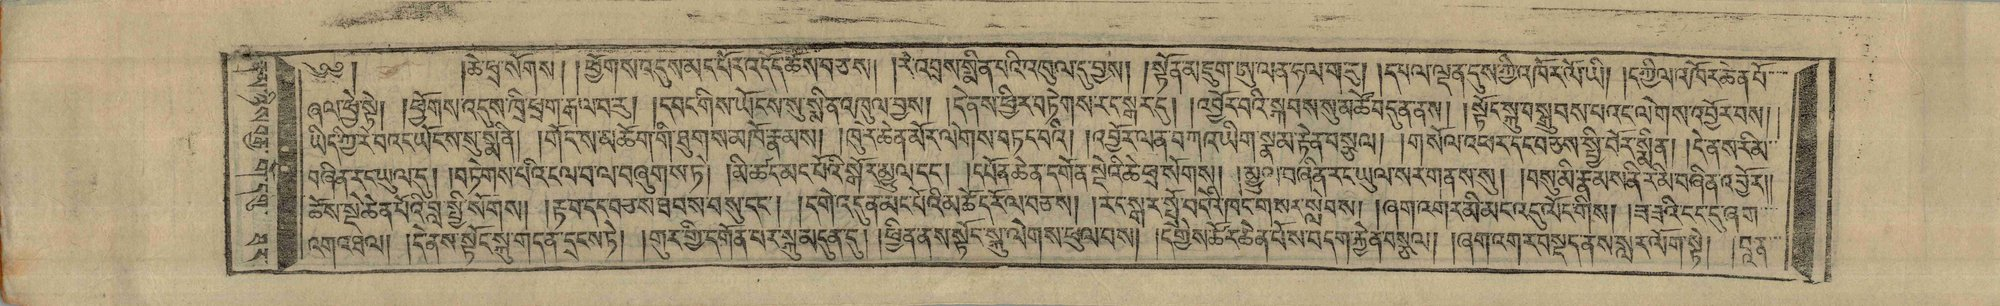༄༅། །ཆེ་ཕྲ་སོགས། །ཕྱོགས་འདུས་མང་པོར་འདོད་ཆོས་བཅས། །རེ་འབྲས་སྨིན་པའི་འཁུལ་དུ་བྱས། །སྟོན་མཇུག་ཨུ་ལན་ཧལ་ག་རུ། །དཔལ་ལྡན་དུས་ཀྱི་འཁོར་ལོ་ཡི། །དཀྱིལ་འཁོར་ཆེན་པོ་
ཞལ་ཕྱེ་སྟེ། །ཕྱོགས་འདུས་ཁྲི་ཕྲག་རྒལ་བ་རུ། །དབང་གིས་ཡོངས་སུ་སྨིན་འཁུལ་བྱས། །དེ་ནས་ཕྱིར་བཏེགས་རང་སྒར་དུ། །འབྱོར་བའི་སྐབས་སུ་མཚོ་བདུན་ནས། །སྟོང་སྐུ་བསྒྲུབས་པའང་ལེགས་འབྱོར་བས། །
ཡིད་ཀྱི་རེ་བའང་ཡོངས་སུ་སྨིན། །གོང་ས་མཆོག་གི་ཐུགས་མཁོ་རྣམས། །ཁུ་རེ་ཆེན་མོར་ལེགས་བཏང་བའི། །འབྱོར་ལན་བཀའ་ཡིག་སྣམ་རྟེན་བསྩལ། །གསོལ་འཕར་དང་བཅས་སྤྱི་བོར་སྨིན། །དེ་ནས་རིམ་
བཞིན་རང་ཡུལ་དུ། །བཏེགས་པའི་ངལ་བ་ལ་བཞུགས་ཏེ། །མི་ཚང་མང་པོའི་སྒོར་མྱུལ་དང་། །དཔོན་ཆེན་དགོན་སྡེའི་ཆེ་ཕྲ་སོགས། །མྱུལ་བཞིན་རང་ཡུལ་སར་གནས་སུ། །བསུ་མི་རྣམས་ནི་རིམ་བཞིན་འབྱོར།།
ཆོས་སྡེ་ཆེན་པོའི་བླ་སྤྱི་སོགས། །རྟ་བ་དང་བཅས་ཐབས་བསུ་དང་། །དགེ་འདུན་མང་པོའི་མཆོད་རོལ་བཅས། །རང་སྒར་སྤྲོ་བདེའི་ཁང་གསར་སླེབས། །ཞག་འགར་མི་མང་འདུ་ལོང་གིས། །ཟ་ཟའི་ངང་དུ་ཞག་
འགའ་ཐལ། །དེ་ནས་སྟོང་སྐུ་གདན་དྲངས་ཏེ། །གུར་གྱི་དགོན་པར་སྐུ་མདུན་དུ། །ཕྱིན་ནས་སྟོང་སྐུ་ལེགས་ཕུལ་བས། །དགྱེས་ཚོར་ཆེན་པོས་བདག་རྐྱེན་བསྩལ། །ཞག་འགར་བསྡད་ནས་སླར་ལོག་སྟེ། །བཱན་